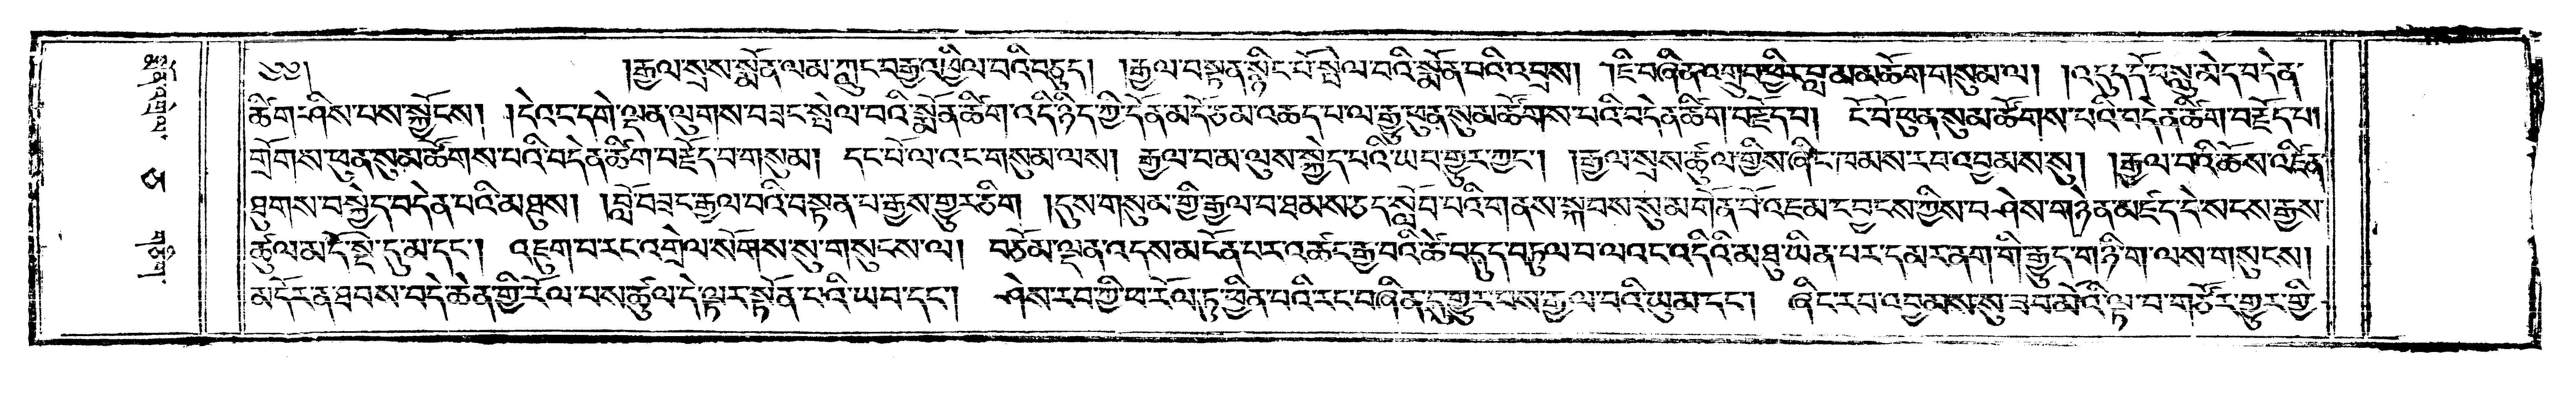༄༅། །རྒྱལ་སྲས་སྨོན་ལམ་ཀླུང་བརྒྱ་འཁྱིལ་བའི་བཅུད། །རྒྱལ་བསྟན་སྙིང་པོ་སྤེལ་བའི་སྨོན་པའི་འབྲས། །ཇི་བཞིན་འགྲུབ་ཕྱིར་བླ་མ་མཆོག་གསུམ་ལ། །འདུད་དོ་བསླུ་མེད་བདེན་
ཚིག་ཤིས་པས་སྐྱོངས། །དེའང་དགེ་ལྡན་ལུགས་བཟང་སྤེལ་བའི་སྨོན་ཚིག་འདི་ཉིད་ཀྱི་དོན་མདོ་ཙམ་འཆད་པ་ལ་རྒྱུ་ཕུན་སུམ་ཚོགས་པའི་བདེན་ཚིག་བརྗོད་པ། ངོ་བོ་ཕུན་སུམ་ཚོགས་པའི་བདེན་ཚིག་བརྗོད་པ།
གྲོགས་ཕུན་སུམ་ཚོགས་པའི་བདེན་ཚིག་བརྗོད་པ་གསུམ། དང་པོ་ལ་འང་གསུམ་ལས། རྒྱལ་བ་མ་ལུས་སྐྱེད་པའི་ཡབ་གྱུར་ཀྱང་། །རྒྱལ་སྲས་ཚུལ་གྱིས་ཞིང་ཁམས་རབ་འབྱམས་སུ། །རྒྱལ་བའི་ཆོས་འཛིན་
ཐུགས་བསྐྱེད་བདེན་པའི་མཐུས། །བློ་བཟང་རྒྱལ་བའི་བསྟན་པ་རྒྱས་གྱུར་ཅིག །དུས་གསུམ་གྱི་རྒྱལ་བ་ཐམས་ཅད་སློབ་བའི་གནས་སྐབས་སུ་མགོན་པོ་འཇམ་དབྱངས་ཀྱིས་བཤེས་གཉེན་མཛད་དེ་སངས་རྒྱས་
ཚུལ་མདོ་སྡེ་དུ་མ་དང་། འཇུག་པ་རང་འགྲེལ་སོགས་སུ་གསུངས་ལ། བཅོམ་ལྡན་འདས་མངོན་པར་འཚང་རྒྱ་བའི་ཚེ་བདུད་བཏུལ་བ་ལའང་འདིའི་མཐུ་ཡིན་པར་དམར་ནག་གི་རྒྱུད་གཉི་ག་ལས་གསུངས།
མདོར་ན་ཐབས་བདེ་ཆེན་གྱི་རོལ་པས་ཚུལ་དེ་ལྟར་སྟོན་པའི་ཡབ་དང་། ཤེས་རབ་ཀྱི་ཕ་རོལ་ཏུ་ཕྱིན་པའི་རང་བཞིན་དུ་གྱུར་པས་རྒྱལ་བའི་ཡུམ་དང་། ཞིང་རབ་འབྱམས་སུ་ཟབ་མོའི་ལྟ་བ་གཙོར་གྱུར་གྱི་